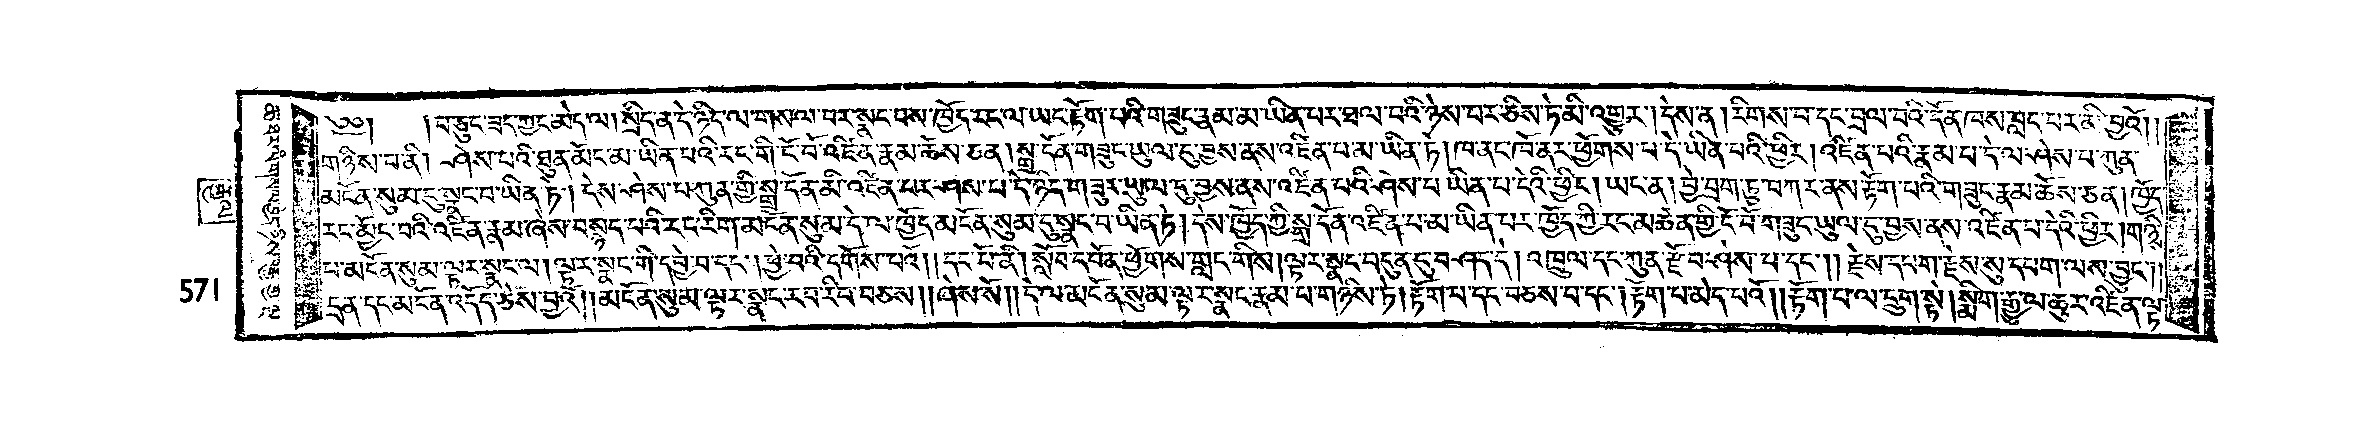༄༅། །པ་ཅུང་ཟད་ཀྱང་མེད་ལ། སྲིད་ན་དེ་ཉིད་ལ་གསལ་བར་སྣང་བས་ཁྱོད་རང་ལ་ཡང་རྟོག་པའི་གཟུང་རྣམ་མ་ཡིན་པར་ཐལ་བའི་ཉེས་པར་ཅིས་ཏེ་མི་འགྱུར། དེས་ན། རིགས་པ་དང་བྲལ་བའི་དོན་ཁས་བླང་བར་མི་བྱའོ། །
གཉིས་པ་ནི། ཤེས་པའི་ཐུན་མོང་མ་ཡིན་པའི་རང་གི་ངོ་བོ་འཛིན་རྣམ་ཆོས་ཅན། སྒྲ་དོན་གཟུང་ཡུལ་དུ་བྱས་ནས་འཛིན་པ་མ་ཡིན་ཏེ། ཁ་ནང་ཁོ་ནར་ཕྱོགས་པ་དེ་ཡིན་པའི་ཕྱིར། འཛིན་པའི་རྣམ་པ་དེ་ལ་ཤེས་པ་ཀུན་
མངོན་སུམ་དུ་སྣང་བ་ཡིན་ཏེ། དེས་ཤེས་པ་ཀུན་གྱི་སྒྲ་དོན་མི་འཛིན་པར་ཤེས་པ་དེ་ཉིད་གཟུར་?་ཡུལ་དུ་བྱས་ནས་འཛིན་པའི་ཤེས་པ་ཡིན་པ་དེའི་ཕྱིར། ཡང་ན། བྱེ་བྲག་ཏུ་བཀར་ནས་རྟོག་པའི་གཟུང་རྣམ་ཆོས་ཅན། ཁྱོད་
རང་མྱོང་བའི་འཛིན་རྣམ་ཞས་བསྙད་པའི་རང་རིག་མངོན་སུམ་དེ་ལ་ཁྱོད་མངོན་སུམ་དུ་སྣང་བ་ཡིན་ཏེ། དེས་ཁྱོད་ཀྱི་སྒྲ་དོན་འཛིན་པ་མ་ཡིན་པར་ཁྱོད་ཀྱི་རང་མཚན་གྱི་ངོ་བོ་གཟུང་ཡུལ་དུ་བྱས་ནས་འཛིན་པ་དེའི་ཕྱིར། གཉིས་
པ་མངོན་སུམ་ལྟར་སྣང་ལ། ལྟར་སྣང་གི་དབྱེ་བ་དང་། ཕྱེ་བའི་དགོས་པའོ། །དང་པོ་ནི། སློབ་དཔོན་ཕྱོགས་གླང་གིས། ལྟར་སྣང་བདུན་དུ་བཤད་དེ། འཁྲུལ་དང་ཀུན་རྫོབ་ཤེས་པ་དང་། རྗེས་དཔག་རྗེས་སུ་དཔག་ལས་བྱུང་། །
དྲན་དང་མངོན་འདོད་ཅེས་བྱའོ། །མངོན་སུམ་ལྟར་སྣང་རབ་རིབ་བཅས། །ཞེས་སོ། །དེ་ལ་མངོན་སུམ་ལྟར་སྣང་རྣམ་པ་གཉིས་ཏེ། རྟོག་པ་དང་བཅས་པ་དང་། རྟོག་པ་མེད་པའོ། །རྟོག་པ་ལ་དྲུག་སྟེ། སྨིག་རྒྱུ་ལ་ཆུར་འཛིན་ལྟ་